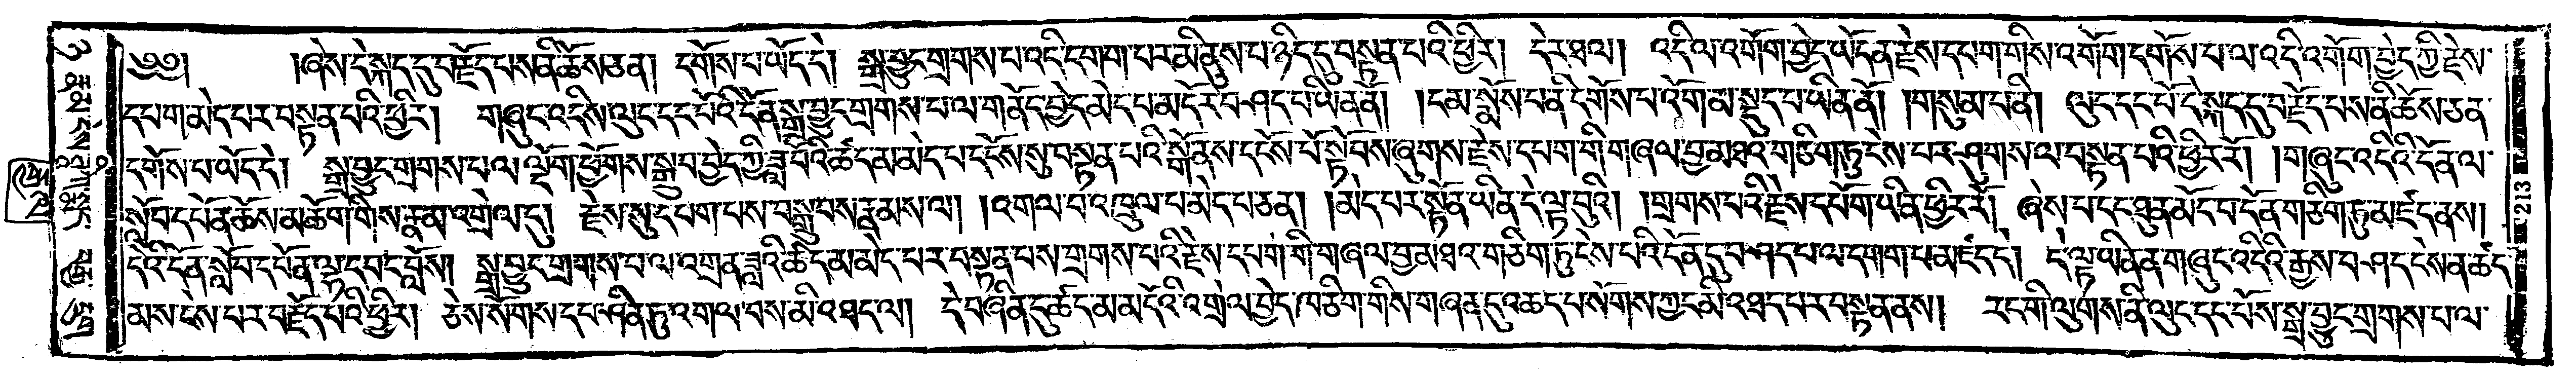༄༅། །ཞེས་དེ་སྐད་དུ་བརྗོད་པས་ནི་ཆོས་ཅན། དགོས་པ་ཡོད་དེ། སྒྲ་བྱུང་གྲག་པ་འདི་དགག་པར་མི་ནུས་པ་ཉིད་དུ་བསྟན་པའི་ཕྱིར། དེར་ཐལ། འདི་ལ་འགོག་བྱེད་ཡོད་ན་རྗེས་དཔག་གིས་འགོག་པ་ལ་འདི་འགོག་བྱེད་ཀྱི་རྗེས་
དཔག་མེད་པར་བསྟན་པའི་ཕྱིར། གཞུང་འདིས་ལུང་དང་པོའི་དོན་སྒྲ་བྱུང་གྲགས་པ་ལ་གནོད་བྱེད་མེད་པ་མདོར་བཤད་པ་ཡིན་ནོ། །དམ་སྨོས་པ་ནི་དགོས་པ་འོག་མ་སྡུད་པ་ཡིན་ནོ། །གསུམ་པ་ནི། ལུང་དང་པོ་དེ་སྐད་དུ་བརྗོད་པས་ནི་ཆོས་ཅན་
དགོས་པ་ཡོད་དེ། སྒྲ་བྱུང་གྲགས་པ་ལ་ལྡོག་ཕྱོགས་སྒྲུབ་བྱེད་ཀྱི་ཟླ་བའི་ཚད་མ་མེད་པ་དངོས་སུ་བསྟན་པའི་སྒོ་ནས་དངོས་པོ་སྟོབས་ཞུགས་རྗེས་དཔག་གི་གཞལ་བྱ་མཐའ་གཅིག་ཏུ་ངེས་པར་ཤུགས་ལ་བསྟན་པའི་ཕྱིར་རོ། །གཞུང་འདིའི་དོན་ལ་
སློབ་དཔོན་ཆོས་མཆོག་གིས་རྣམ་འགྲེལ་དུ། རྗེས་སུ་དཔག་པས་བསྒྲུབས་རྣམས་ལ། །འགལ་བ་འཁྲུལ་པ་མེད་པ་ཅན། །མེད་པ་སྟོན་ཡིན་དེ་ལྟ་བུའི། །གྲགས་པའི་རྗེས་དཔོག་ཡིན་ཕྱིར་རོ། ཞེས་པ་དང་ཐུན་མོང་པ་དོན་གཅིག་ཏུ་མཛད་ནས།
དེའི་དོན་སློབ་དཔོན་ལྷ་དབང་བློས། སྒྲ་བྱུང་གྲགས་པ་ལ་འགྲན་ཟླའི་ཚད་མ་མེད་པར་བསྟན་པས་གྲགས་པའི་རྗེས་དཔག་གི་གཞལ་བྱ་མཐའ་གཅིག་ཏུ་ངེས་པའི་དོན་དུ་བཤད་པ་ལ་དགག་པ་མཛད་དེ། དེ་ལྟ་ཡིན་ན་གཞུང་འདིའི་རྒྱས་བཤད་ངེས་ན་ཚད་
མས་ངེས་པར་བརྗོད་པའི་ཕྱིར། ཅེས་སོགས་དང་ཤིན་ཏུ་འགལ་བས་མི་འཐད་ལ། དེ་བཞིན་དུ་ཚད་མ་མདོའི་འགྲེལ་བྱེད་ཁ་ཅིག་གིས་གཞན་དུ་འཆད་པ་སོགས་ཀྱང་མི་འཐད་པར་བསྟན་ནས། རང་གི་ལུགས་ནི་ལུང་དང་པོས་སྒྲ་བྱུང་གྲགས་པ་ལ་